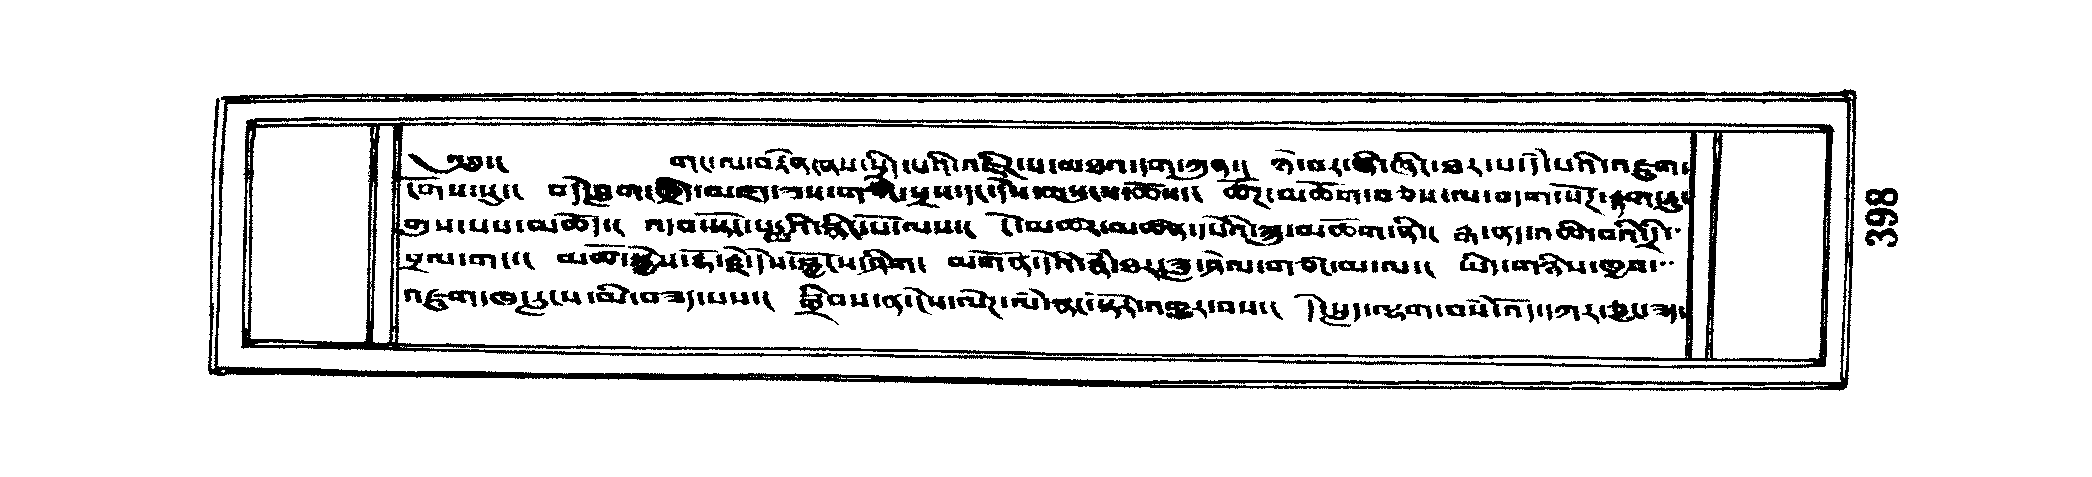གང་ལ་བརྟེན་ན་སྲིད་པའི་འཇིགས་པ་མཐའ་དག་ཀུན། །ཉེ་བར་ཞི་ཞིང་ཐར་པ་དམ་པའི་འཇུག་
ངོགས་སུ། །བདེ་བླག་ཁྲིད་མཛད་ཟས་གཙང་སྲས་དང་དེས་གསུངས་ཆོས། །ཚོགས་མཆོག་བཅས་ལ། །བདག་སོགས་རྟག་ཏུ་
གུས་པས་མཆོད། །འདབ་སྟོང་པདྨའི་སྙིང་པོ་ལས། ངོ་མཚར་མཚན་དཔེའི་སྐུ་མཆོག་ནི། །རྒ་ནད་འཆི་བའི་དྲི་
བྲལ་གང་། །མཚོ་སྐྱེས་རྡོ་རྗེ་དེས་སྐྱོངས་ཤིག །མགོན་དེའི་རྣམ་ཐར་ཟླ་ཤེལ་གཙང་མ་ལ། །ཡིད་གཉིས་ཁྱབ་
འཇུག་ཁ་རླངས་མི་བཟད་པས། །སྒྲིབས་ན་ངེས་ལེགས་ལམ་སྣང་སྟོར་འགྱུར་བས། །དེ་སླད་ལྷག་བསམ་འོད་དཀར་ཅུང་ཟད་